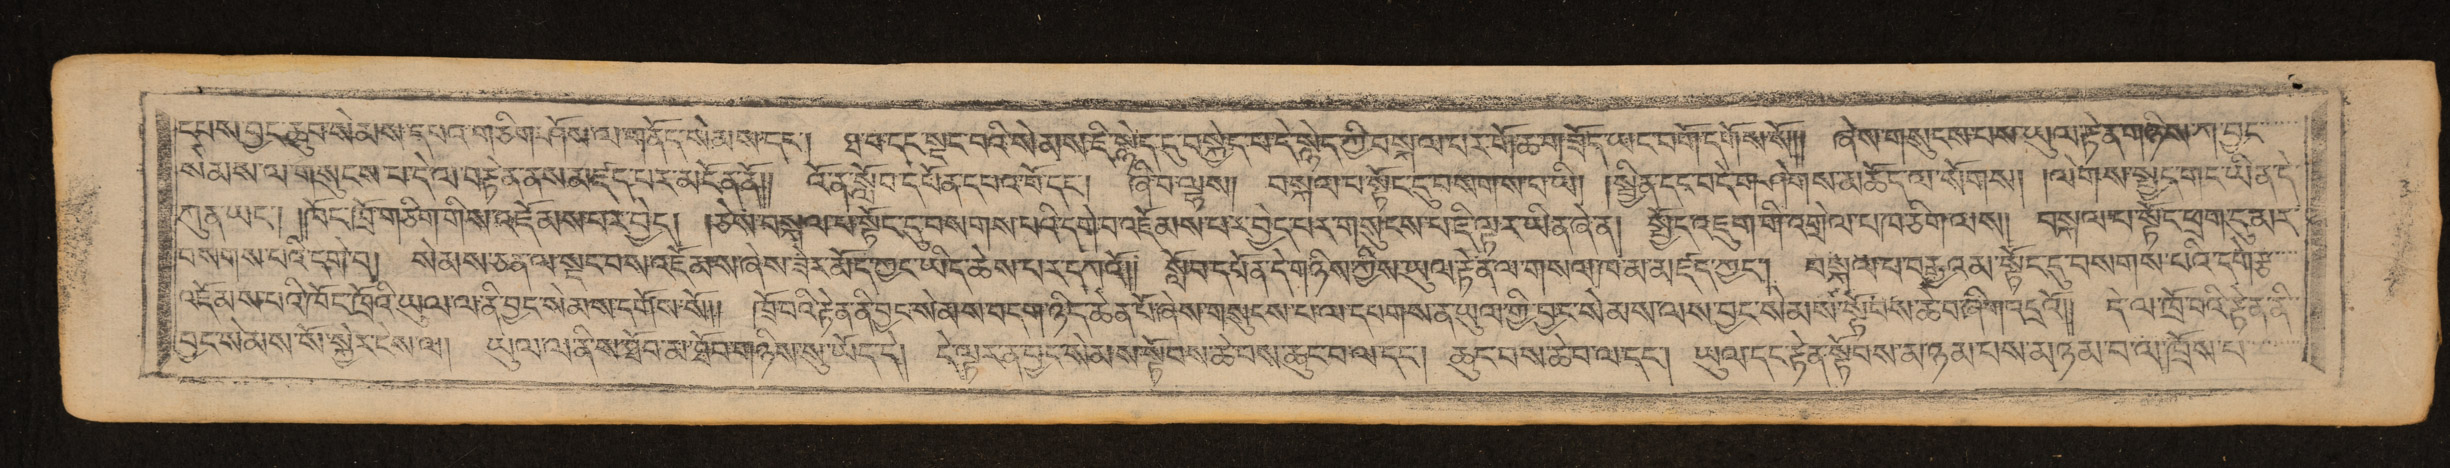དཔས་བྱང་ཆུབ་སེམས་དཔའ་གཅིག་ཤོས་ལ་གནོད་སེམས་དང་། ཐ་བ་དང་སྡང་བའི་སེམས་ཇི་སྙེད་དུ་བསྐྱེད་པ་དེ་སྙེད་ཀྱི་བསྐལ་པར་གོ་ཆ་གཟོད་ཡང་བགོ་དགོས་སོ།། ཞེས་གསུངས་པས་ཡུལ་རྟེན་གཉིས་ཀ་བྱང་
སེམས་ལ་གསུངས་པ་དེ་ལ་བརྟེན་ནས་མཛད་པར་མངོན་ནོ།། འོ་ན་སློབ་དཔོན་དཔའ་བོ་དང་། ཞི་བ་ལྷས། བསྐལ་པ་སྟོང་དུ་བསགས་པ་ཡི། །སྦྱིན་དང་བདེ་གཤེགས་མཆོད་ལ་སོགས། །ལེགས་སྤྱད་གང་ཡིན་དེ་
ཀུན་ཡང་། །ཁོང་ཁྲོ་གཅིག་གིས་འཇོམས་པར་བྱེད། །ཅེས་བསྐལ་པ་སྟོང་དུ་བསགས་པའི་དགེ་བ་འཇོམས་པར་བྱེད་པར་གསུངས་པ་ཇི་ལྟར་ཡིན་ཞེ་ན། སྤྱད་འཇུག་གི་འགྲེལ་པ་ཁ་ཅིག་ལས། བསྐལ་པ་སྟོང་ཕྲག་དུ་མར་
བསགས་པའི་དགེ་བ། སེམས་ཅན་ལ་སྡང་བས་འཇོམས་ཞེས་ཟེར་མོད་ཀྱང་ཡིད་ཆེས་པར་དཀའོ།། སློབ་དཔོན་དེ་གཉིས་ཀྱིས་ཡུལ་རྟེན་ལ་གསལ་ཁ་མ་མཛད་ཀྱང་། བསྐལ་པ་བརྒྱའམ་སྟོང་དུ་བསགས་པའི་དགེ་རྩ་
འཇོམས་པའི་ཁོང་ཁྲོའི་ཡུལ་ལ་ནི་བྱང་སེམས་དགོས་སོ།། ཁྲོ་བའི་རྟེན་ནི་བྱང་སེམས་བདག་ཉིད་ཆེན་པོ་ཞེས་གསུངས་པ་ལ་དཔགས་ན་ཡུལ་གྱི་བྱང་སེམས་ལས་བྱང་སེམས་སྟོབས་ཆེ་བ་ཞིག་འདྲའོ།། དེ་ལ་ཁྲོ་བའི་རྟེན་ནི་
བྱང་སེམས་སོ་སྐྱེར་ངེས་ལ། ཡུལ་ལ་ནི་ས་ཐོབ་མ་ཐོབ་གཉིས་སུ་ཡོད་དེ། དེ་ལྟར་ན་བྱང་སེམས་སྟོབས་ཆེ་བས་ཆུང་བ་ལ་དང་། ཆུང་བས་ཆེ་བ་ལ་དང་། ཡུལ་དང་རྟེན་སྟོབས་མཉམ་པས་མཉམ་པ་ལ་ཁྲོས་པ་